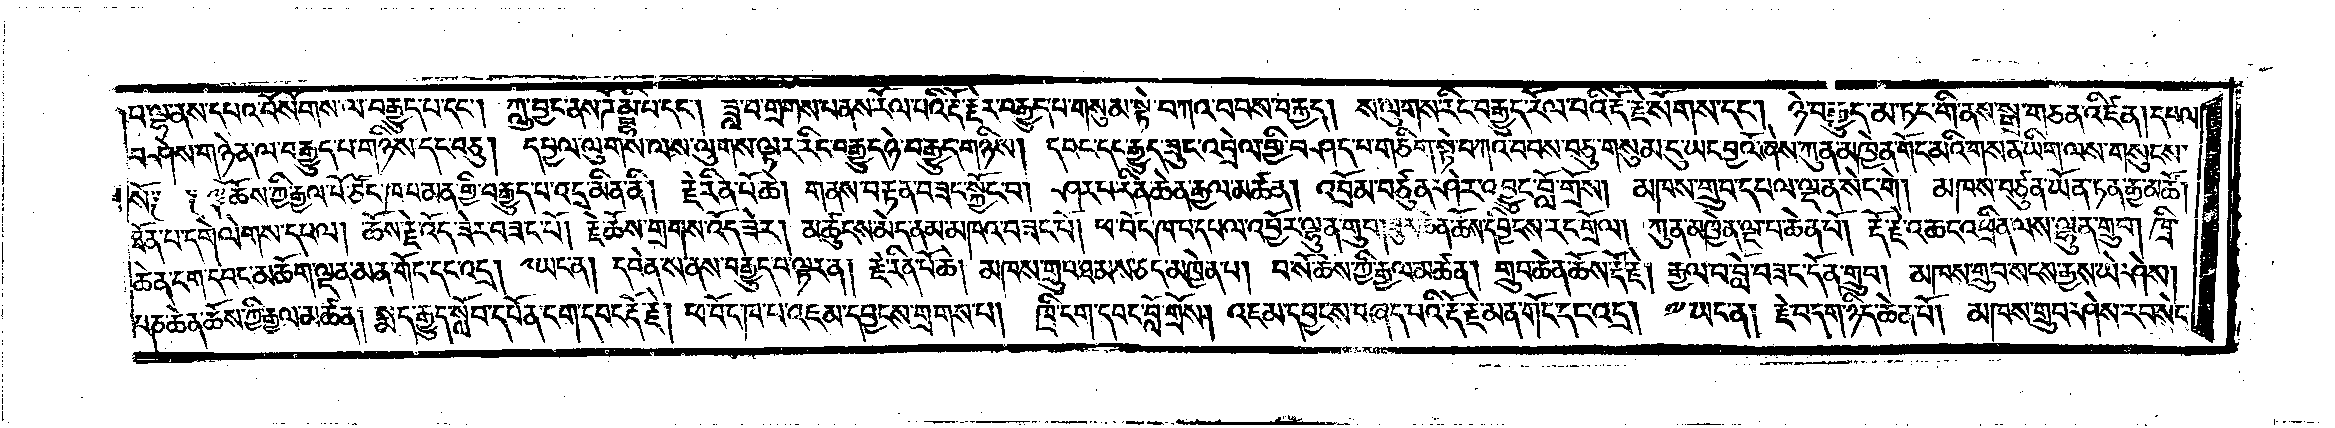པ་ལྷ་ནས་དཔའ་བོ་སོགས་ལ་བརྒྱུད་པ་དང་། ཀླུ་བྱང་ནས་ཌོམྦྷི་པི་དང་། ཟླ་བ་གྲགས་པ་ནས་རོལ་པའི་རྡོ་རྗེར་བརྒྱུད་པ་གསུམས་ཏེ་བཀའ་བབས་བརྒྱད། ས་ལུགས་རིང་བརྒྱུད་རོལ་པའི་རྡོ་རྗེ་སོགས་དང་། ཉེ་བརྒྱུད་མ་ཏང་གི་ནས་སྒྲ་གཅན་འཛིན། དཔལ་
བཤེས་གཉེན་ལ་བརྒྱུད་པ་གཉིས་དང་བཅུ། དཔྱལ་ལུགས་ལས་ལུགས་ལྟར་རིང་བརྒྱུད་ཉེ་བརྒྱུད་གཉིས། དབང་དང་རྒྱུད་ཟུང་འབྲེལ་གྱི་བཤད་པ་གཅིག་སྟེ་བཀའ་བབས་བཅུ་གསུམ་དུ་ཡང་བྱའོ་ཞེས་ཀུན་མཁྱེན་གོང་མའི་གསན་ཡིག་ལས་གསུངས་
སོ༑ ༑ཆོས་ཀྱི་རྒྱལ་པོ་ཙོང་ཁ་པ་མན་གྱི་བརྒྱུད་པ་འདྲ་མིན་ནི། རྗེ་རིན་པོ་ཆེ། གནས་བརྟན་བཟང་སྐྱོང་པ། ཤར་པ་རིན་ཆེན་རྒྱལ་མཚན། འབྲོམ་བཙུན་ཤེར་འབྱུང་བློ་གྲོས། མཁས་གྲུབ་དཔལ་ལྡན་སེང་གེ། མཁས་བཙུན་ཡོན་ཏན་རྒྱ་མཚོ།
ཐོན་པ་དགེ་ལེགས་དཔལ། ཆོས་རྗེ་འོད་ཟེར་བཟང་པོ། རྗེ་ཆོས་གྲགས་འོད་ཟེར། མཚུངས་མེད་ནམ་མཁའ་བཟང་པོ། ཕ་བོང་ཁ་བ་དཔལ་འབྱོར་ལྷུན་གྲུབ། ཟུར་ཆེན་ཆོས་དབྱིངས་རང་གྲོལ། ཀུན་མཁྱེན་ལྔ་པ་ཆེན་པོ། རྡོ་རྗེ་འཆང་འཕྲིན་ལས་ལྷུན་གྲུབ། ཁྲི་
ཆེན་ངག་དབང་མཆོག་ལྡན་མན་གོང་དང་འདྲ། ཡང་ན། དབེན་ས་ནས་བརྒྱུད་པ་ལྟར་ན། རྗེ་རིན་པོ་ཆེ། མཁས་གྲུབ་ཐམས་ཅད་མཁྱེན་པ། བསོ་ཆེས་ཀྱི་རྒྱལ་མཚན། གྲུབ་ཆེན་ཆོས་རྡོ་རྗེ། རྒྱལ་བ་བློ་བཟང་དོན་གྲུབ། མཁས་གྲུབ་སངས་རྒྱས་ཡེ་ཤེས་
པཎ་ཆེན་ཆོས་ཀྱི་རྒྱལ་མཚན། སྨད་རྒྱུད་སློབ་དཔོན་ངག་དབང་རྡོ་རྗེ། ཕ་བོང་ཁ་པ་འཇམ་དབྱངས་གྲགས་པ། ཁྲི་ངག་དབང་བློ་གྲོས། འཇམ་དབྱངས་བཞད་པའི་རྡོ་རྗེ་མན་གོང་དང་འདྲ། ༧་ཡང་ན། རྗེ་བདག་ཉིད་ཆེན་པོ། མཁས་གྲུབ་ཤེས་རབ་སེང་